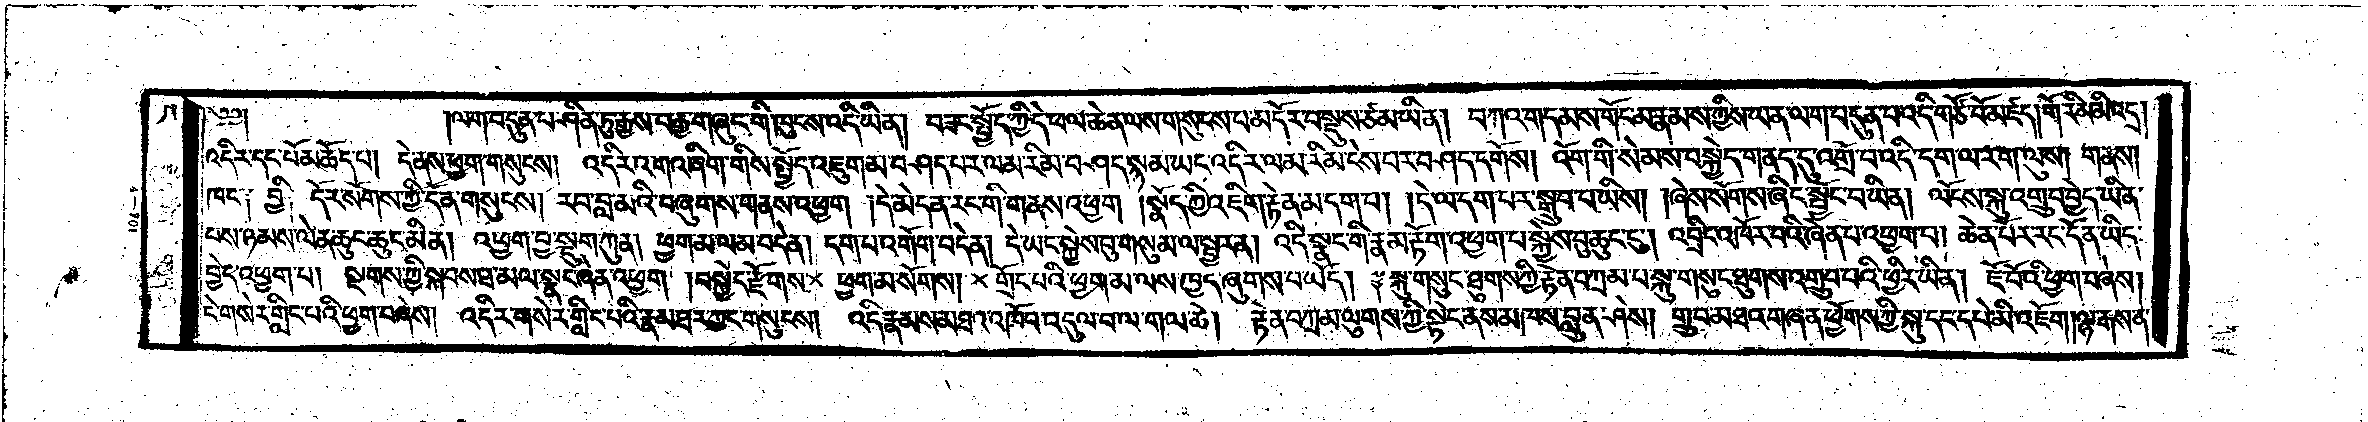༄༅། །ལག་བདུན་པ་ཤིན་ཏུ་རྒྱས་བརྒྱ་གཞུང་གི་ཁུངས་འདི་ཡིན། བཟང་སྤྱོད་ཀྱི་དེ་ཕལ་ཆེན་ལས་གསུངས་པ་མདོར་བསྡུས་ཙམ་ཡིན། བཀའ་གདམས་གོང་མ་རྣམས་ཀྱིས་ཡན་ལག་བདུན་པ་འདི་གཙོ་བོ་མཛད། གོ་རིམ་མི་འདྲ།
འདིར་དང་པོ་མཆོད་པ། དེ་ནས་ཕྱག་གསུངས། འདིར་འགའ་ཞིག་གིས་སྤྱོད་འཇུག་མ་བཤད་པར་ལམ་རིམ་བཤད་སྙམ་ཡང་འདིར་ལམ་རིམ་ངེས་པར་བཤད་དགོས། འོག་གི་སེམས་བསྐྱེད་གནད་དུ་འགྲོ་བ་འདི་དག་ལ་རག་ལུས། གནས།
ཁང༑ བྱི༑ དོར་སོགས་ཀྱི་དོན་གསུངས། རབ་བླ་མའི་བཞུགས་གནས་འཕྱག །དེ་མེད་ན་རང་གི་གནས་འཕྱག །སྣོད་ཀྱི་འཇིག་རྟེན་མ་དག་པ། །དེ་ལ་དག་པར་སྒྲུབ་པ་ཡིས། །ཞེས་སོགས་ཞིང་སྦྱོང་བ་ཡིན། ལོངས་སྐུ་འགྲུབ་བྱེད་ཡིན་
པས་ཉམས་ལེན་ཆུང་ཆུང་མིན། འཕྱག་བྱ་སྡུག་ཀུན། ཕྱག་མ་ལམ་བདེན། དག་པ་འགོག་བདེན། དེ་ཡང་སྐྱེས་བུ་གསུམ་ལ་སྦྱར་ན། འདི་སྣང་གི་རྣམ་རྟོག་འཕྱག་པ་སྐྱེས་བུ་ཆུང་ངུ། འབྲིང་འཁོར་བའི་ཞེན་པ་འཕྱག་པ། ཆེན་པོར་རང་དོན་ཡིད་
བྱེད་འཕྱག་པ། སྔགས་ཀྱི་སྐབས་ཐ་མལ་སྣང་ཞེན་འཕྱག །བསྐྱེད་རྫོགས་྾་ཕྱག་མ་སོགས། ྾་གྲོང་པའི་ཕྱག་མ་ལས་ཁྱད་ཞུགས་པ་ཡོད། ༈ སྐུ་གསུང་ཐུགས་ཀྱི་རྟེན་བཀྲམ་པ་སྐུ་གསུང་ཐུགས་འགྲུབ་པའི་ཕྱིར་ཡིན། ཇོ་བོའི་ཕྱག་བཞེས།
ངེ་གསེར་གླིང་པའི་ཕྱག་བཞེས། འདིར་གསེར་གླིང་པའི་རྣམ་ཐར་ཀྱང་གསུངས། འདི་རྣམས་མཐའ་འཁོབ་འདུལ་བ་ལ་གལ་ཆེ། རྟེན་བཀྲམ་ལུགས་ཀྱི་སྟེང་ནས་མཁས་བླུན་ཤེས། གྲུབ་མཐའ་གཞན་ཕྱོགས་ཀྱི་སྐུ་དང་དཔེ་མི་འཇོག །ལྷ་རྒས་ན་